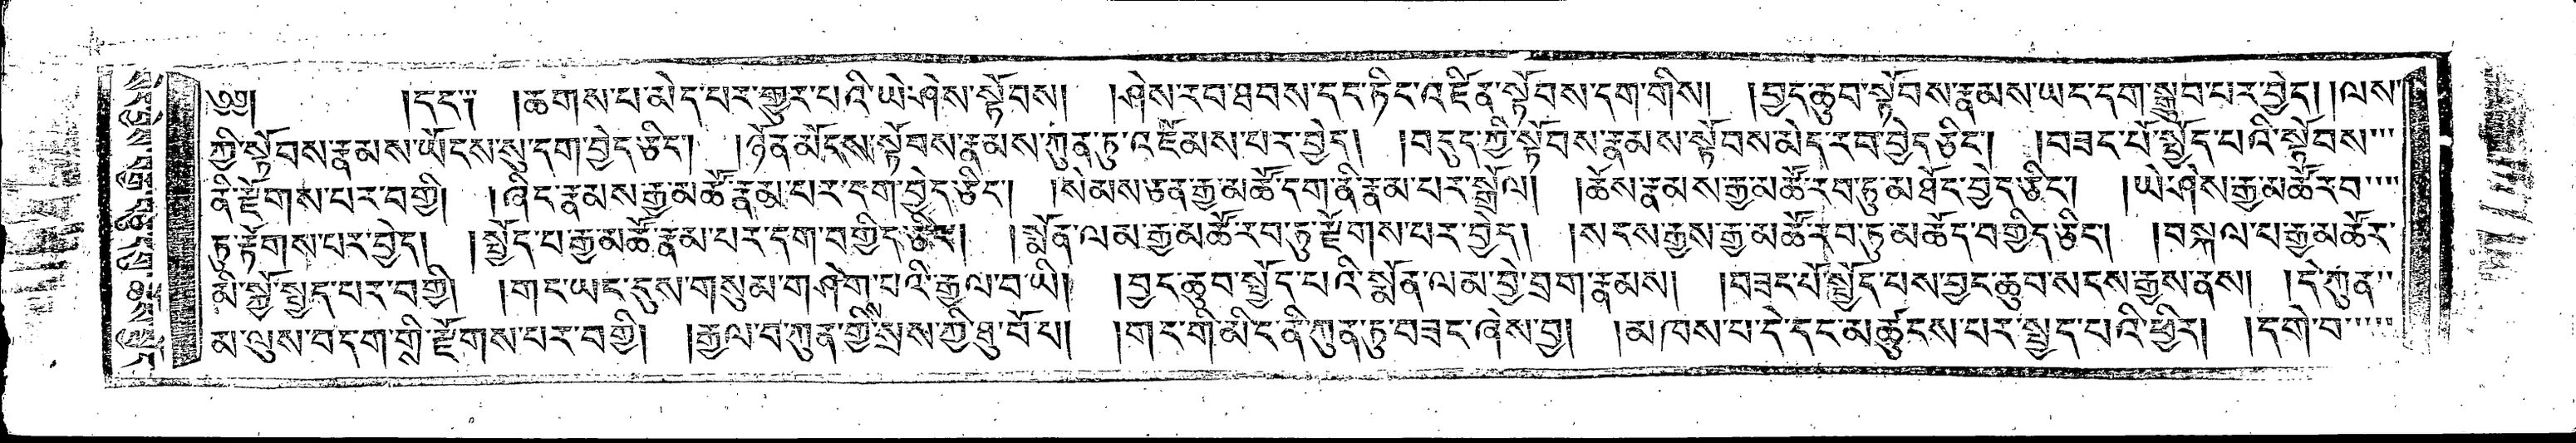༄༅། །དང༑ །ཆགས་པ་མེད་པར་གྱུར་པའི་ཡེ་ཤེས་སྟོབས། །ཤེས་རབ་ཐབས་དང་ཏིང་འཛིན་སྟོབས་དག་གིས། །བྱང་ཆུབ་སྟོབས་རྣམས་ཡང་དག་སྒྲུབ་པར་བྱེད། །ལས་
ཀྱི་སྟོབས་རྣམས་ཡོངས་སུ་དག་བྱེད་ཅིང་། །ཉོན་མོངས་སྟོབས་རྣམས་ཀུན་ཏུ་འཇོམས་པར་བྱེད། །བདུད་ཀྱི་སྟོབས་རྣམས་སྟོབས་མེད་རབ་བྱེད་ཅིང་། །བཟང་པོ་སྤྱོད་པའི་སྟོབས་
ནི་རྫོགས་པར་བགྱི། །ཞིང་རྣམས་རྒྱ་མཚོ་རྣམ་པར་དག་བྱེད་ཅིང་། །སེམས་ཅན་རྒྱ་མཚོ་དག་ནི་རྣམ་པར་སྒྲོལ། །ཆོས་རྣམས་རྒྱ་མཚོ་རབ་ཏུ་མཐོང་བྱེད་ཅིང་། །ཡེ་ཤེས་རྒྱ་མཚོ་རབ་
ཏུ་རྟོགས་པར་བྱེད། །སྤྱོད་པ་རྒྱ་མཚོ་རྣམ་པར་དག་བགྱིད་ཅིང་། །སྨོན་ལམ་རྒྱ་མཚོ་རབ་ཏུ་རྫོགས་པར་བྱེད། །སངས་རྒྱས་རྒྱ་མཚོ་རབ་ཏུ་མཆོད་བགྱིད་ཅིང་། །བསྐལ་པ་རྒྱ་མཚོར་
མི་སྐྱོ་སྤྱད་པར་བགྱི། །གང་ཡང་དུས་གསུམ་གཤེགས་པའི་རྒྱལ་བ་ཡི། །བྱང་ཆུབ་སྤྱོད་པའི་སྨོན་ལམ་བྱེ་བྲག་རྣམས། །བཟང་པོ་སྤྱོད་པས་བྱང་ཆུབ་སངས་རྒྱས་ནས། །དེ་ཀུན་
མ་ལུས་བདག་གིས་རྫོགས་པར་བགྱི། །རྒྱལ་བ་ཀུན་གྱི་སྲས་ཀྱི་ཐུ་བོ་པ། །གང་གི་མིང་ནི་ཀུན་ཏུ་བཟང་ཞེས་བྱ། །མཁས་པ་དེ་དང་མཚུངས་པར་སྤྱད་པའི་ཕྱིར། །དགེ་བ་